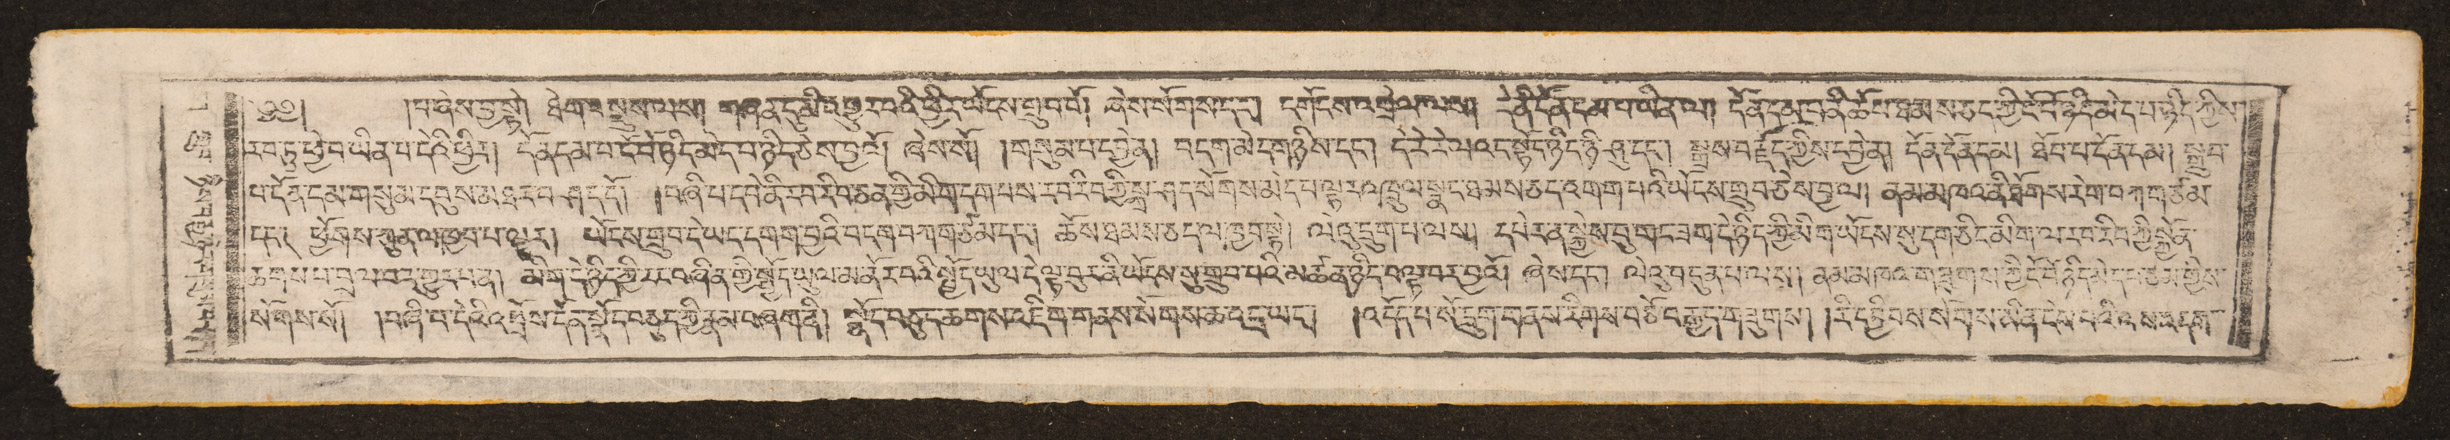༄༅། །པ་ཞེས་བྱ་སྟེ། ཐེག་བསྡུས་ལས། གཞན་དུ་མི་འགྱུར་བའི་ཕྱིར་ཡོངས་གྲུབ་པ། ཞེས་སོགས་དང་། དགོངས་འགྲེལ་ལས། དེ་ནི་དོན་དམ་པ་ཡིན་ལ། དོན་དམ་པ་ནི་ཆོས་ཐམས་ཅད་ཀྱི་ངོ་བོ་ཉིད་མེད་པ་ཉིད་ཀྱིས་
རབ་ཏུ་ཕྱེ་བ་ཡིན་པ་དེའི་ཕྱིར། དོན་དམ་པ་ངོ་བོ་ཉིད་མེད་པ་ཉིད་ཅེས་བྱའོ། ཞེས་སོ། །གསུམ་པ་དབྱེ་ན། བདག་མེད་གཉིས་དང་། དེ་རེ་རེ་ལའང་སྟོང་ཉིད་ཉི་ཤུ་དང་། སྒྲས་བརྗོད་ཀྱིས་དབྱེ་ན། དོན་དོན་དམ། ཐོབ་པ་དོན་དམ། སྒྲུབ་
པ་དོན་དམ་གསུམ་དབུས་མཐར་བཤད་དོ། །བཞི་པ་དཔེ་ནི་རབ་རིབ་ཅན་གྱི་མིག་དག་པས་རབ་རིབ་ཀྱི་སྐྲ་ཤད་སོགས་མེད་པ་ལྟར་འཁྲུལ་སྣང་ཐམས་ཅད་འགག་པའི་ཡོངས་གྲུབ་ཅེས་བྱ་ལ། ནམ་མཁའ་ནི་ཐོགས་རེག་བཀག་ཙམ་
དང༑ ཕྱོགས་ཀུན་ལ་ཁྱབ་པ་ལྟར། ཡོངས་གྲུབ་དེ་ཡང་དགག་བྱའི་བདག་བཀག་ཙམ་དང་། ཆོས་ཐམས་ཅད་ལ་ཁྱབ་སྟེ། ལེའུ་དྲུག་པ་ལས། དཔེར་ན་སྐྱེས་བུ་གང་ཟག་དེ་ཉིད་ཀྱི་མིག་ཡོངས་སུ་དག་ཅིང་མིག་ལ་རབ་རིབ་ཀྱི་སྐྱོན་
ཆགས་པ་བྲལ་བར་གྱུར་པ་ན། མིག་དེ་ཉིད་ཀྱི་རང་བཞིན་གྱི་སྤྱོད་ཡུལ་མ་ནོར་བའི་སྤྱོད་ཡུལ་དེ་ལྟ་བུར་ནི་ཡོངས་སུ་གྲུབ་པའི་མཚན་ཉིད་བལྟ་བར་བྱའོ། ཞེས་དང་། ལེའུ་བདུན་པ་ལས། ནམ་མཁའ་གཟུགས་ཀྱི་ངོ་བོ་ཉིད་མེད་པ་ཙམ་གྱིས་
སོགས་སོ། །བཞི་བདེའི་འཕྲེས་དོན་སྣོད་བཅུད་ཀྱི་རྣམ་བཞག་ནི། སྣོད་བཅུད་ཆགས་འཇིག་གནས་སོགས་ཆ་འདྲ་ཡང་། །འདོད་པ་སོ་དྲུག་གནས་རིགས་བཅོ་བརྒྱད་གཟུགས། །རི་དབྱིབས་སོགས་མིན་ངེས་པའི་ལས་འདག་